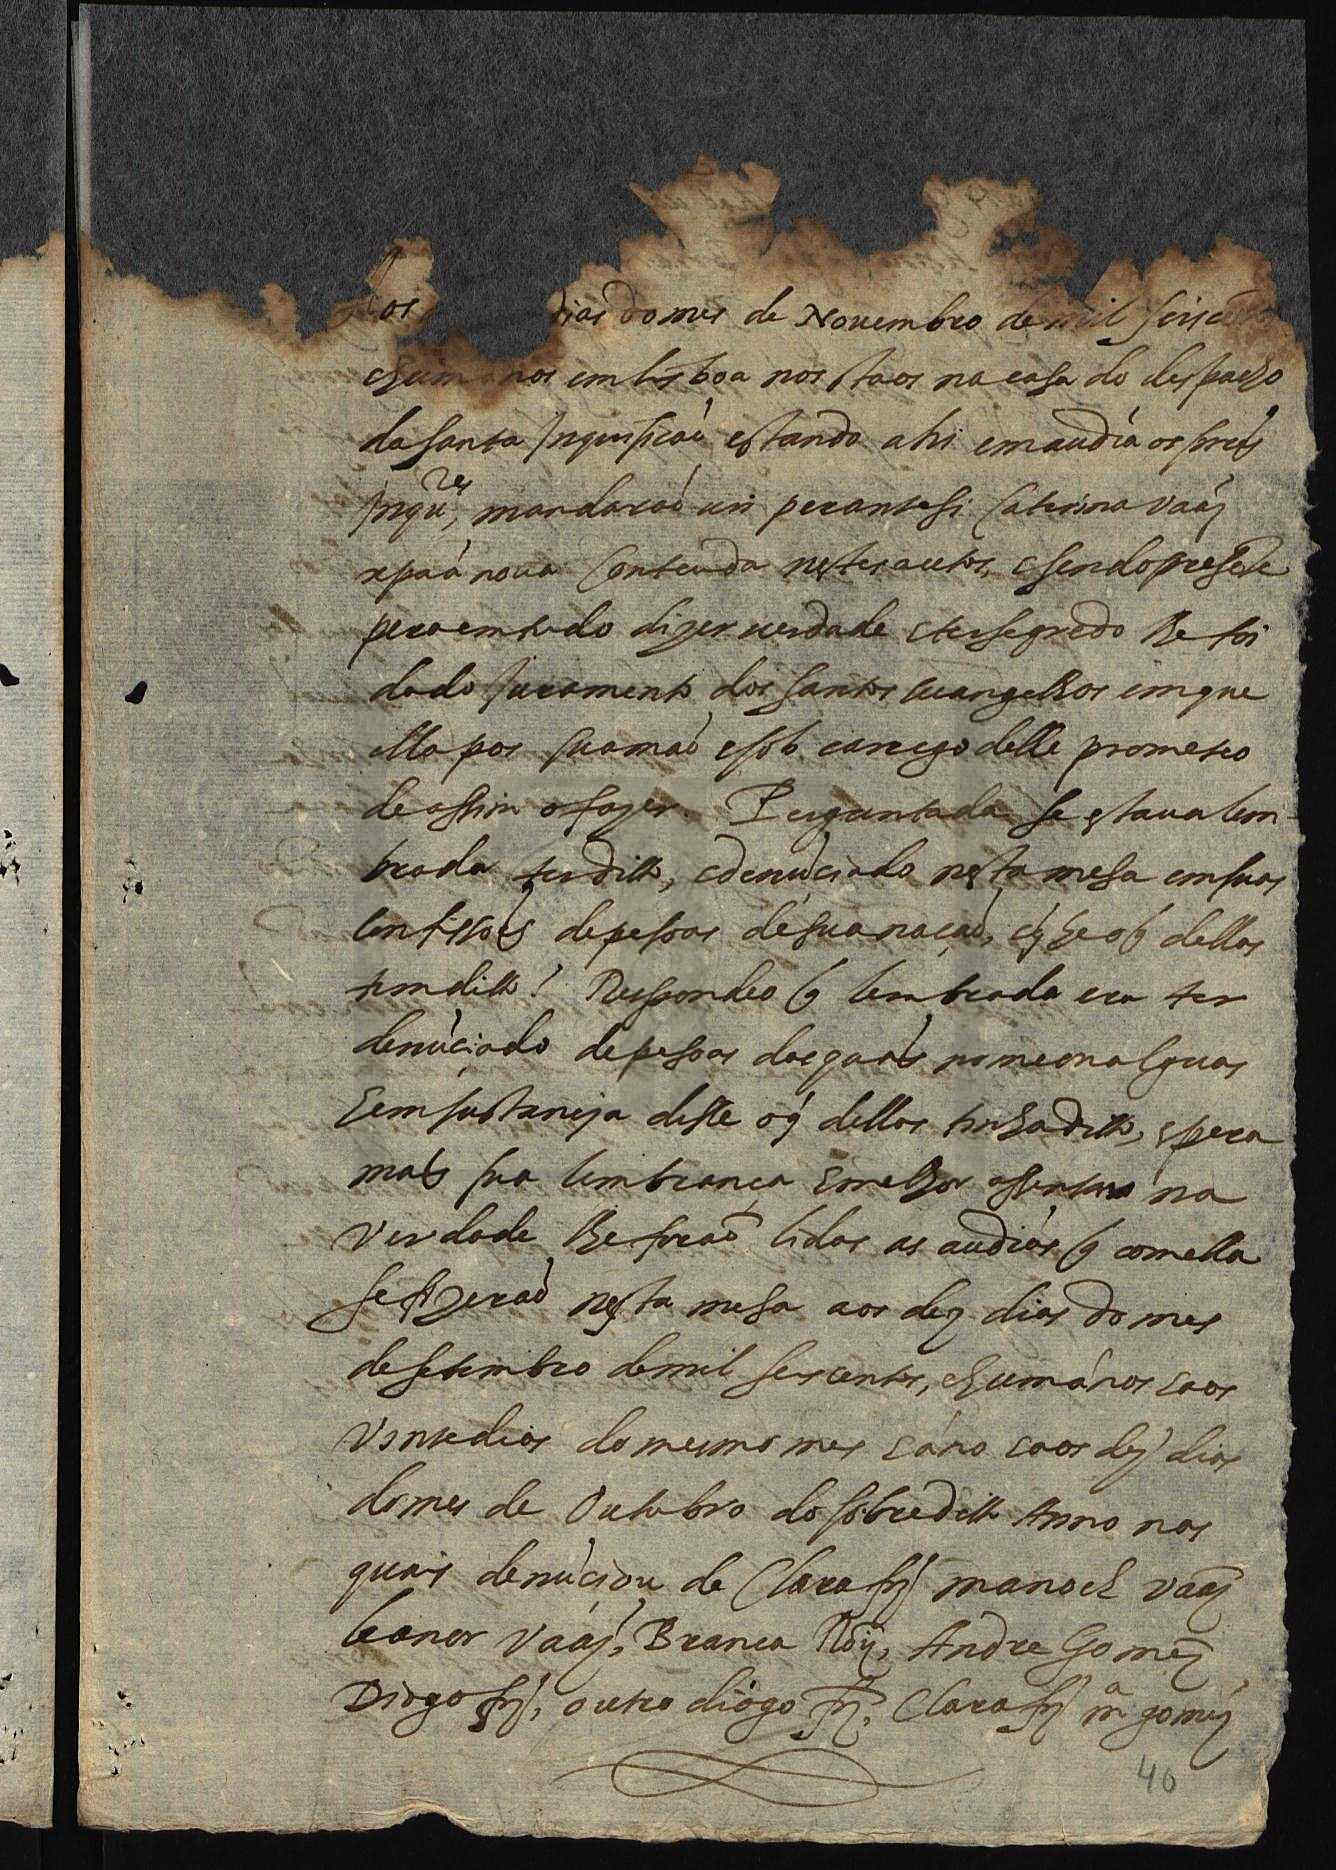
Aos
dias do mes de Nouembro de mil seiscentos
e hum nos em lisboa nos staos na casa do despacho
da Santa Jnquisiçaõ estando ahi em audiā os snres̄
jnqures, mandaraõ uir perante si Caterina vaaz̄
xpaā noua Conteuda nestes autos, E sendo presēte
pera em tudo dizer uerdade e ter segredo lhe foi
dado juramento dos santos euangelhos em que
ella pos sua maõ e sob carrego delle prometeo
de assim o fazer. Perguntada se estaua lem
brada ter ditto, e denūciado nesta mesa em suas
confissoẽs de pesoas de sua naçaõ, e q̄ he o q̄ dellas
tem ditto? Respondeo q̄ lembrada era ter
denūciado de pesoas das quais nomeou alguas
E em sustancja disse o q̄ dellas tinha ditto, E pera
mais sua lembrança E melhor assentar na
verdade lhe foraõ lidas as audiās q̄ com ella
se fizeraõ nesta mesa aos dez dias do mes
de setembro de mil seiscentos, e hum an̄os E aos
vinte dias do mesmo mes E ano E aos dez dias
do mes de Outubro do sobreditto Anno nas
quais denūciou de Clara frz̄ manoel vaāz
leanor vaaz̄, Branca Roīz, Andre Gomēz
Diogo frz̄, outro diogo f̄rz, Clara frz̄ ma gomez̄
